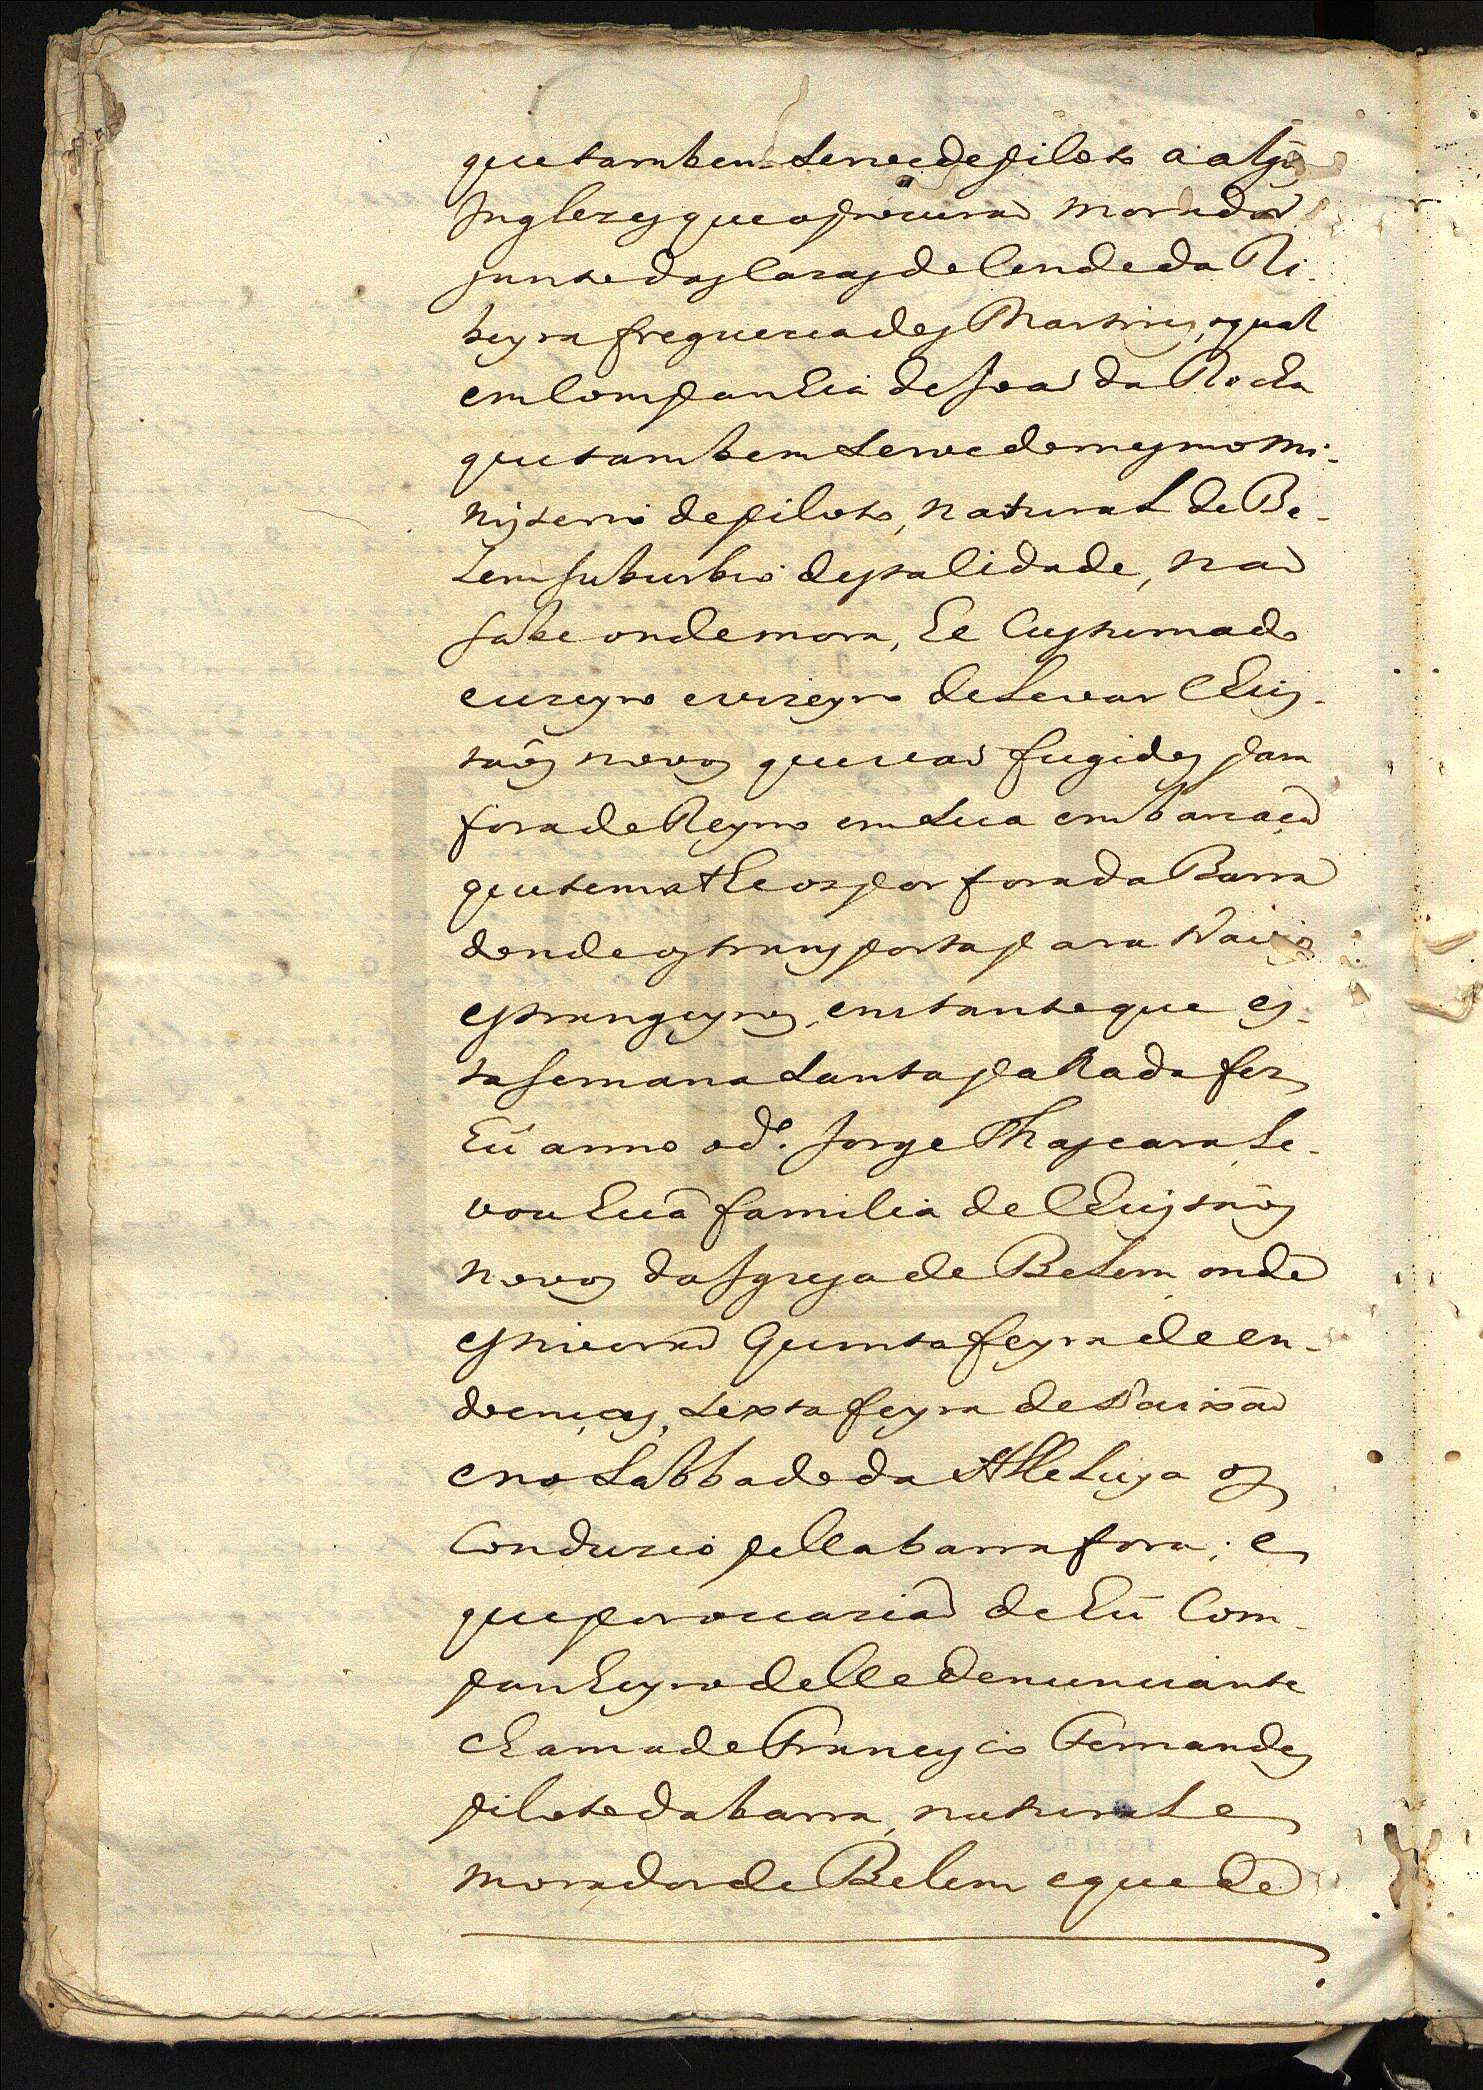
que tamben Serve de piloto a alg
Jnglezes que o procuraõ morador,
junto das Cazas de Conde da Ri
beyra freguezia dos Martires, o qual
em companhia de Joaõ da Rocha
que tambem Serve do mesmo mi
nisterio de piloto, natural de Be
Lem suburbio desta Cidade, naõ
sabe onde mora, he Custumado
e uzeyro e vizeyro de levar Chris
taõs novos que vaõ fugidos para
fora do Reyno em sua embarcaçaõ
que tem athe oz por fora da Barra
donde os transporta para Navios
estrangeyros, emtanto que es
ta semana santa passada fez
hū anno o d.o Jorge Mascara Le
vou huā familia de Christaõs
novos da Jgreja de Belem, onde
estiveraõ quinta feyra de en
doenças, sexta feyra de Paixaõ
e no Sabbado da AlleLuya os
Conduzio pella barra fora; e
que por occaziaõ de hū Com
panheyro delle denunciante
chamado Francisco Fernandes
piloto da barra, natural e
morador de Belem e que de
